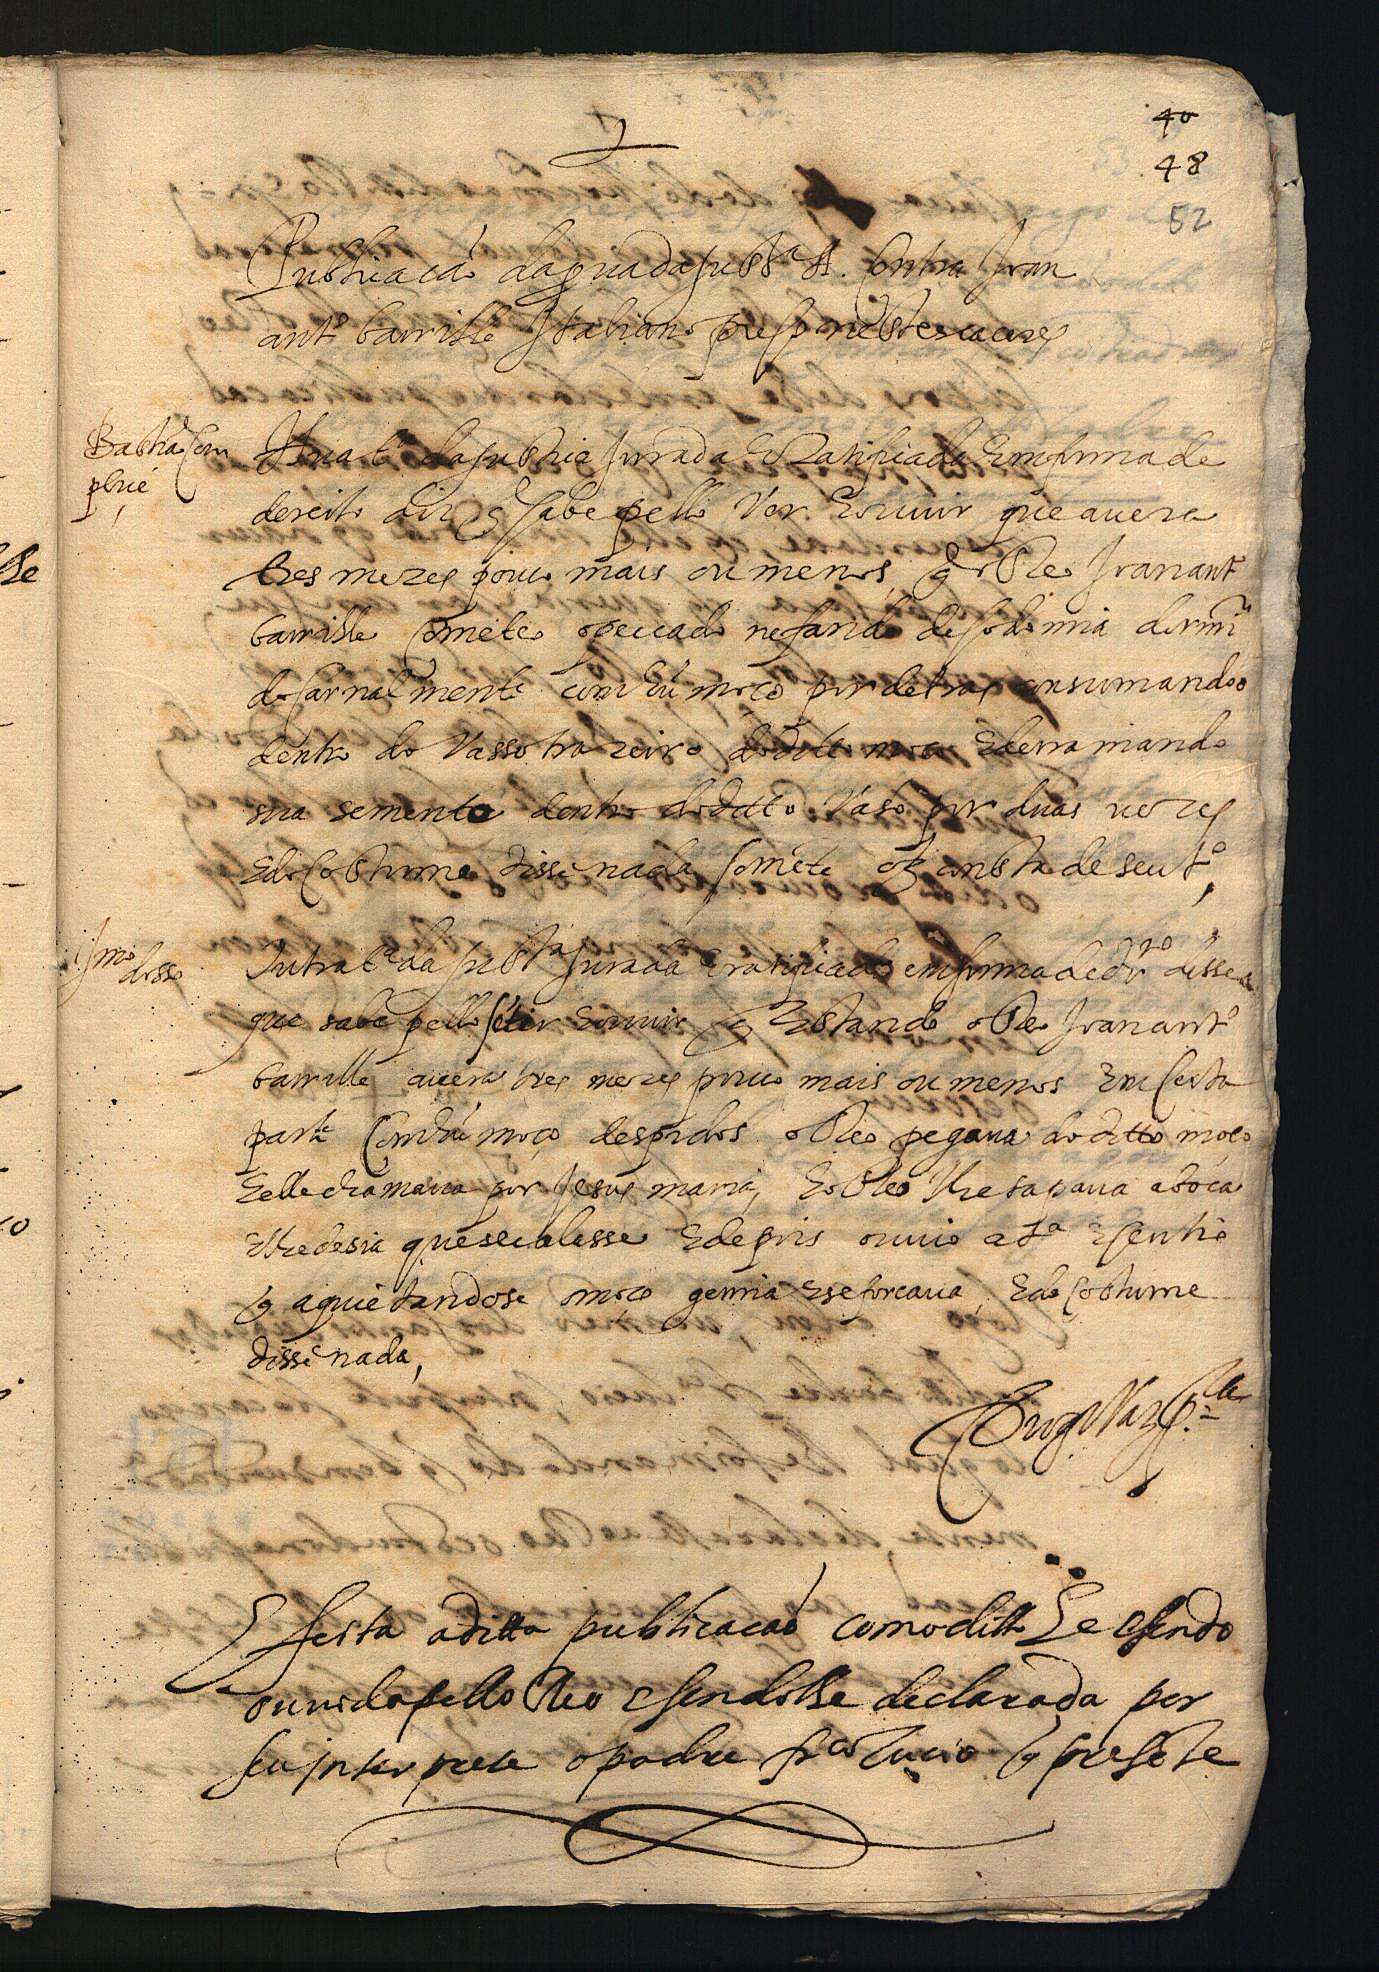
Publicacaõ da ꝓua da Justa A. Contra Joan
anto barrille Jtaliano preso nestes caceres
Hua ta da Justica Jurada E Ratificada Em forma de
dereito diz q̄ sabe pello Ver E ouuir que auera
tres mezes pouco mais ou menos, q̄ o Reo Joan anto
barrille Cometeo o peccado nefando de sodomia dormī
do Carnalmente com hū moço por detras consumandoo
dentro do Vasso trazeiro do dito moco E derramando
sua semente dentro do ditto Vaso por duas uezes
E do Costume disse nada somēte o q̄ consta de seu to,
Outra ta da Justa Jurada E ratificad_ em forma de drto disse
que sabe pello sētir E ouuir q̄ Estando o Reo Joan anto
barrille auera tres mezes pouco mais ou menos Em Certa
parte Com hū moço despidos o Reo pegaua do ditto moço
E elle chamaua por Jesus maria, E o Reo lhe tapaua a boca
E lhe desia que se calasse E depois ouuio a ta E sentio
q̄ aquietandose o moço gemia e se forcaua, E de Costume
disse nada,
E feita a ditta publicacaõ como ditto he e sendo
ouuida pello Reo E sendolhe declarada por
seu interprete o padre frco lucio q̄ presēte
Bastião Com
pliçe
Jmo
dosso
